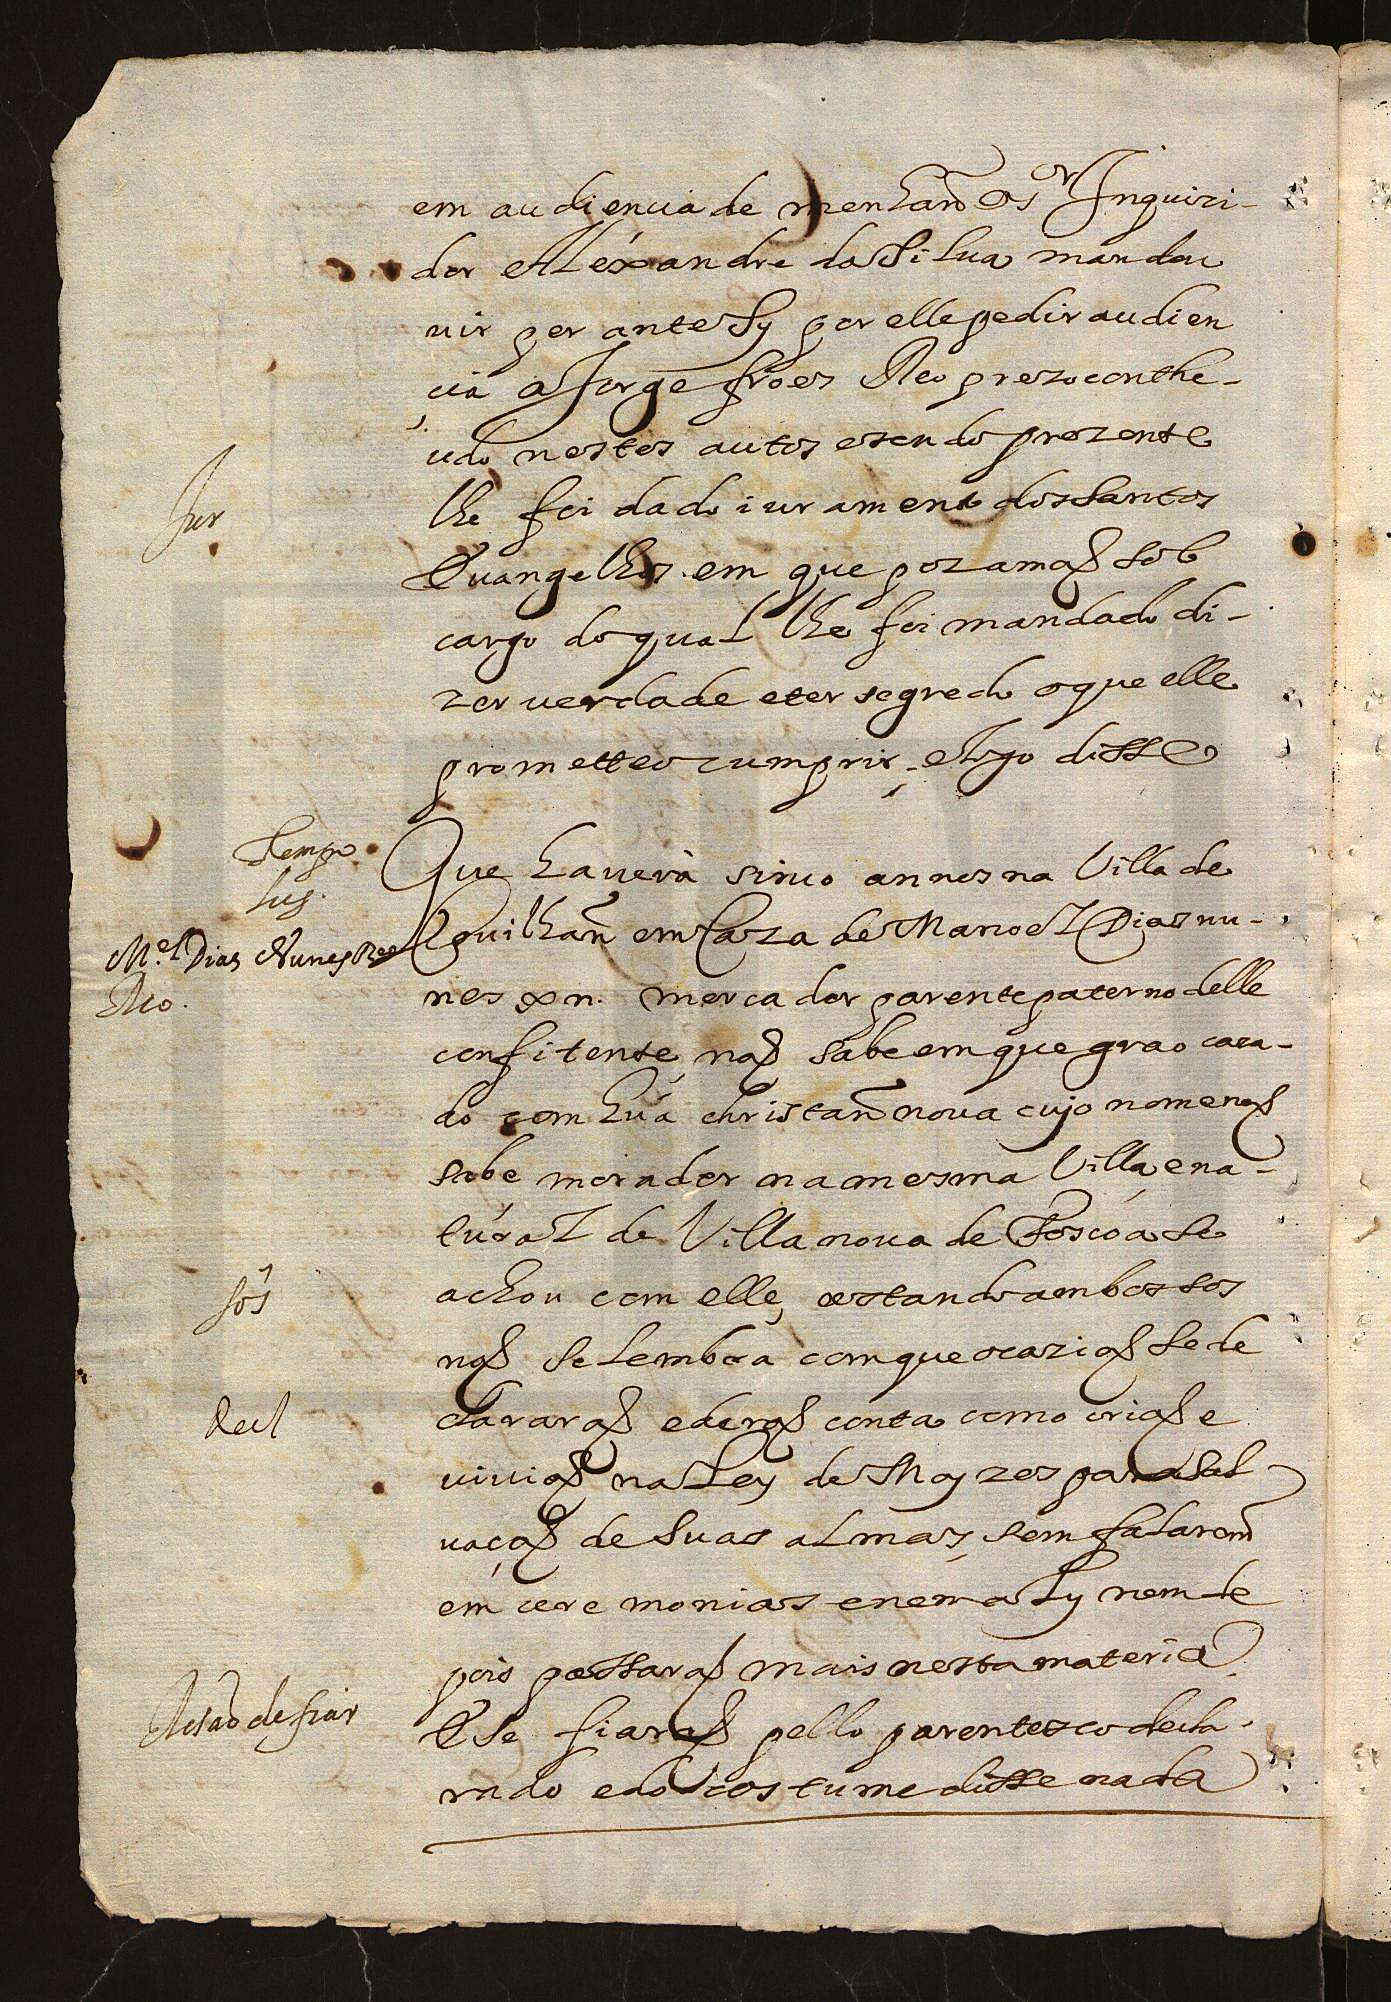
em audiençia de menhan̄ o s.or Jnquizi
dor Alexandre da Silua mandou
uir perante Sy por elle pedir audien
çia a Jorge froes Reo prezo conthe
udo nestes autos e sendo prezente
lhe foi dado iuramento dos santos
Jur
Euangelhos em que poz a maõ sob
cargo do qual lhe foi mandado di
zer uerdade e ter segredo o que elle
prometteo cumprir, e logo disse
Tempo
Que hauerà sinco annos na Villa de
Lug.
M.el Dias Nunes Reo
Reo.
Couilhan̄ em Caza de Manoel Dias nu
nes x n. mercador parente paterno delle
confitente, naõ sabe em que grao caza
do com hūa christan̄ noua cujo nome naõ
sabe, morador na mesma Villa, e na
tural de Villa noua de Foscoa se
achou com elle, e estando ambos sos
Sôs
naõ se lembra com que ocaziaõ se de
clararaõ e deraõ conta como criaõ e
decl
uiuiaõ na Ley de Moyzes para Sal
uaçaõ de Suas almas, sem falarem
em ceremonias e nem aly nem de
pois passaraõ mais nesta materia.
Resaõ de fiar
& se fiaraõ pello parentesco decla
rado e ao costume disse nada
